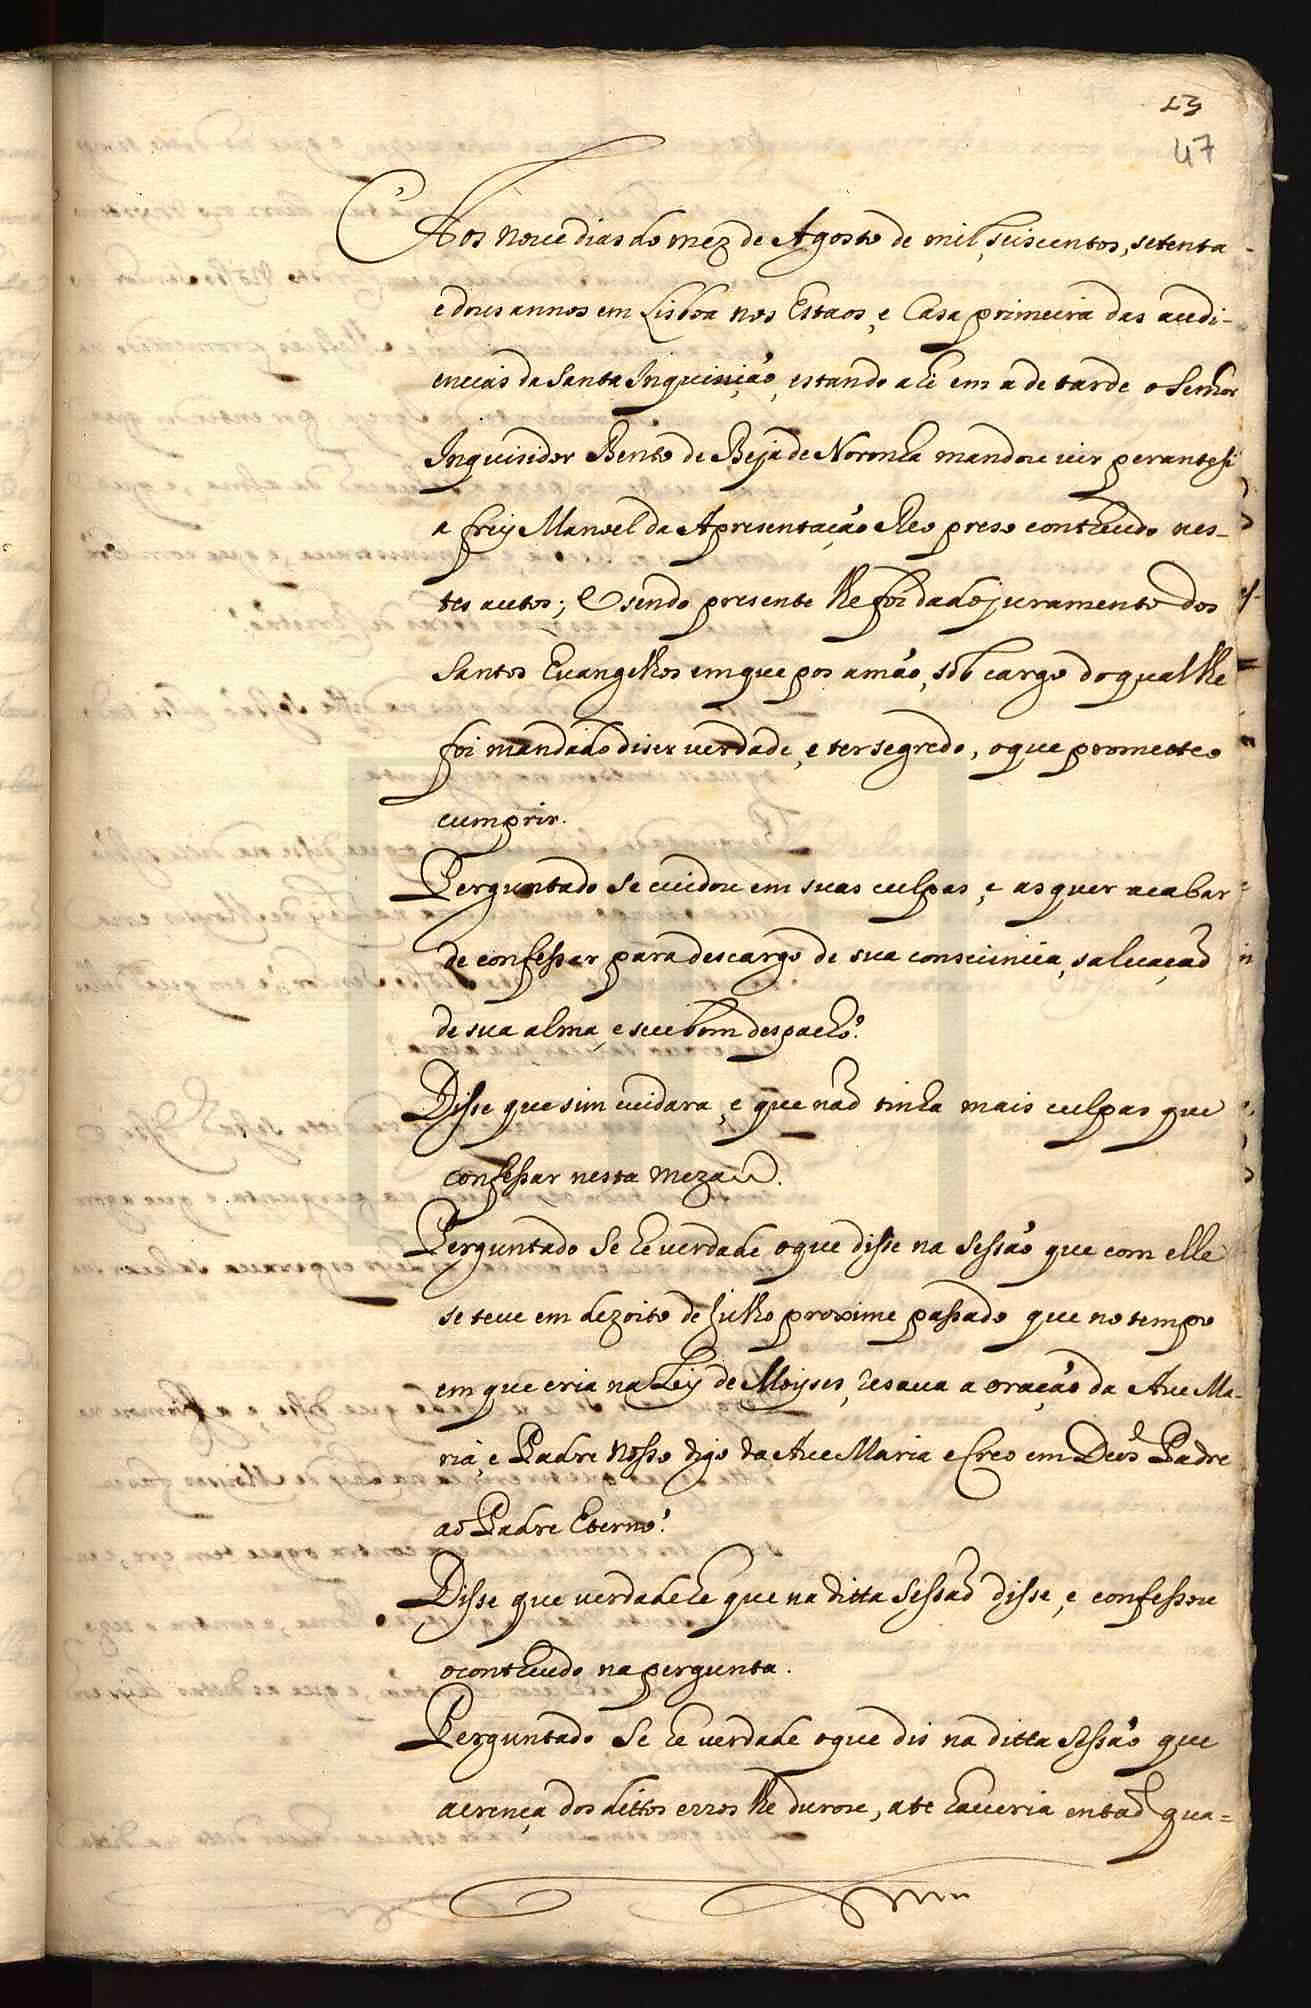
Aos noue dias do mez de Agosto de mil seiscentos, setenta
e dous annos em Lisboa nos Estaos, e Casa primeira das audi
encias da Santa Jnquisição, estando ahi em a de tarde o Senhor
Jnquisidor Bento de Beja de Noronha mandou uir perante si
a frey Manoel da Apresentação Reo preso contheudo nes
tes autos; E sendo presente lhe foi dado juramentos dos
Santos Evangelhos em que pos a mão, sob cargo do qual lhe
foi mandado diser verdade, e ter segredo, o que prometeo
cumprir
Perguntado se cuidou em suas culpas, e as quer acabar
de confessar para descargo de sua consciencia, saluaçaõ
de sua alma, e seu bom despacho.
Disse que sim cuidara, e que não tinha mais culpas que
confessar nesta meza.
Perguntado se he verdade o que disse na sessão que com elle
se teue em dezoito de Julho proximo passado que no tempo
em que cria a Ley de Moyses, resaua a oração da Aue Ma
ria, e Padre nosso digo da Aue Maria e Creo em Deos Padre
ao Padre Eterno.
Disse que verdade he que na ditta sessaõ disse, e confessou
o contheudo na pergunta.
Perguntado se he verdade o que dis na ditta sessão que
a crença dos dittos erros lhe durou, ate haueria então qua
